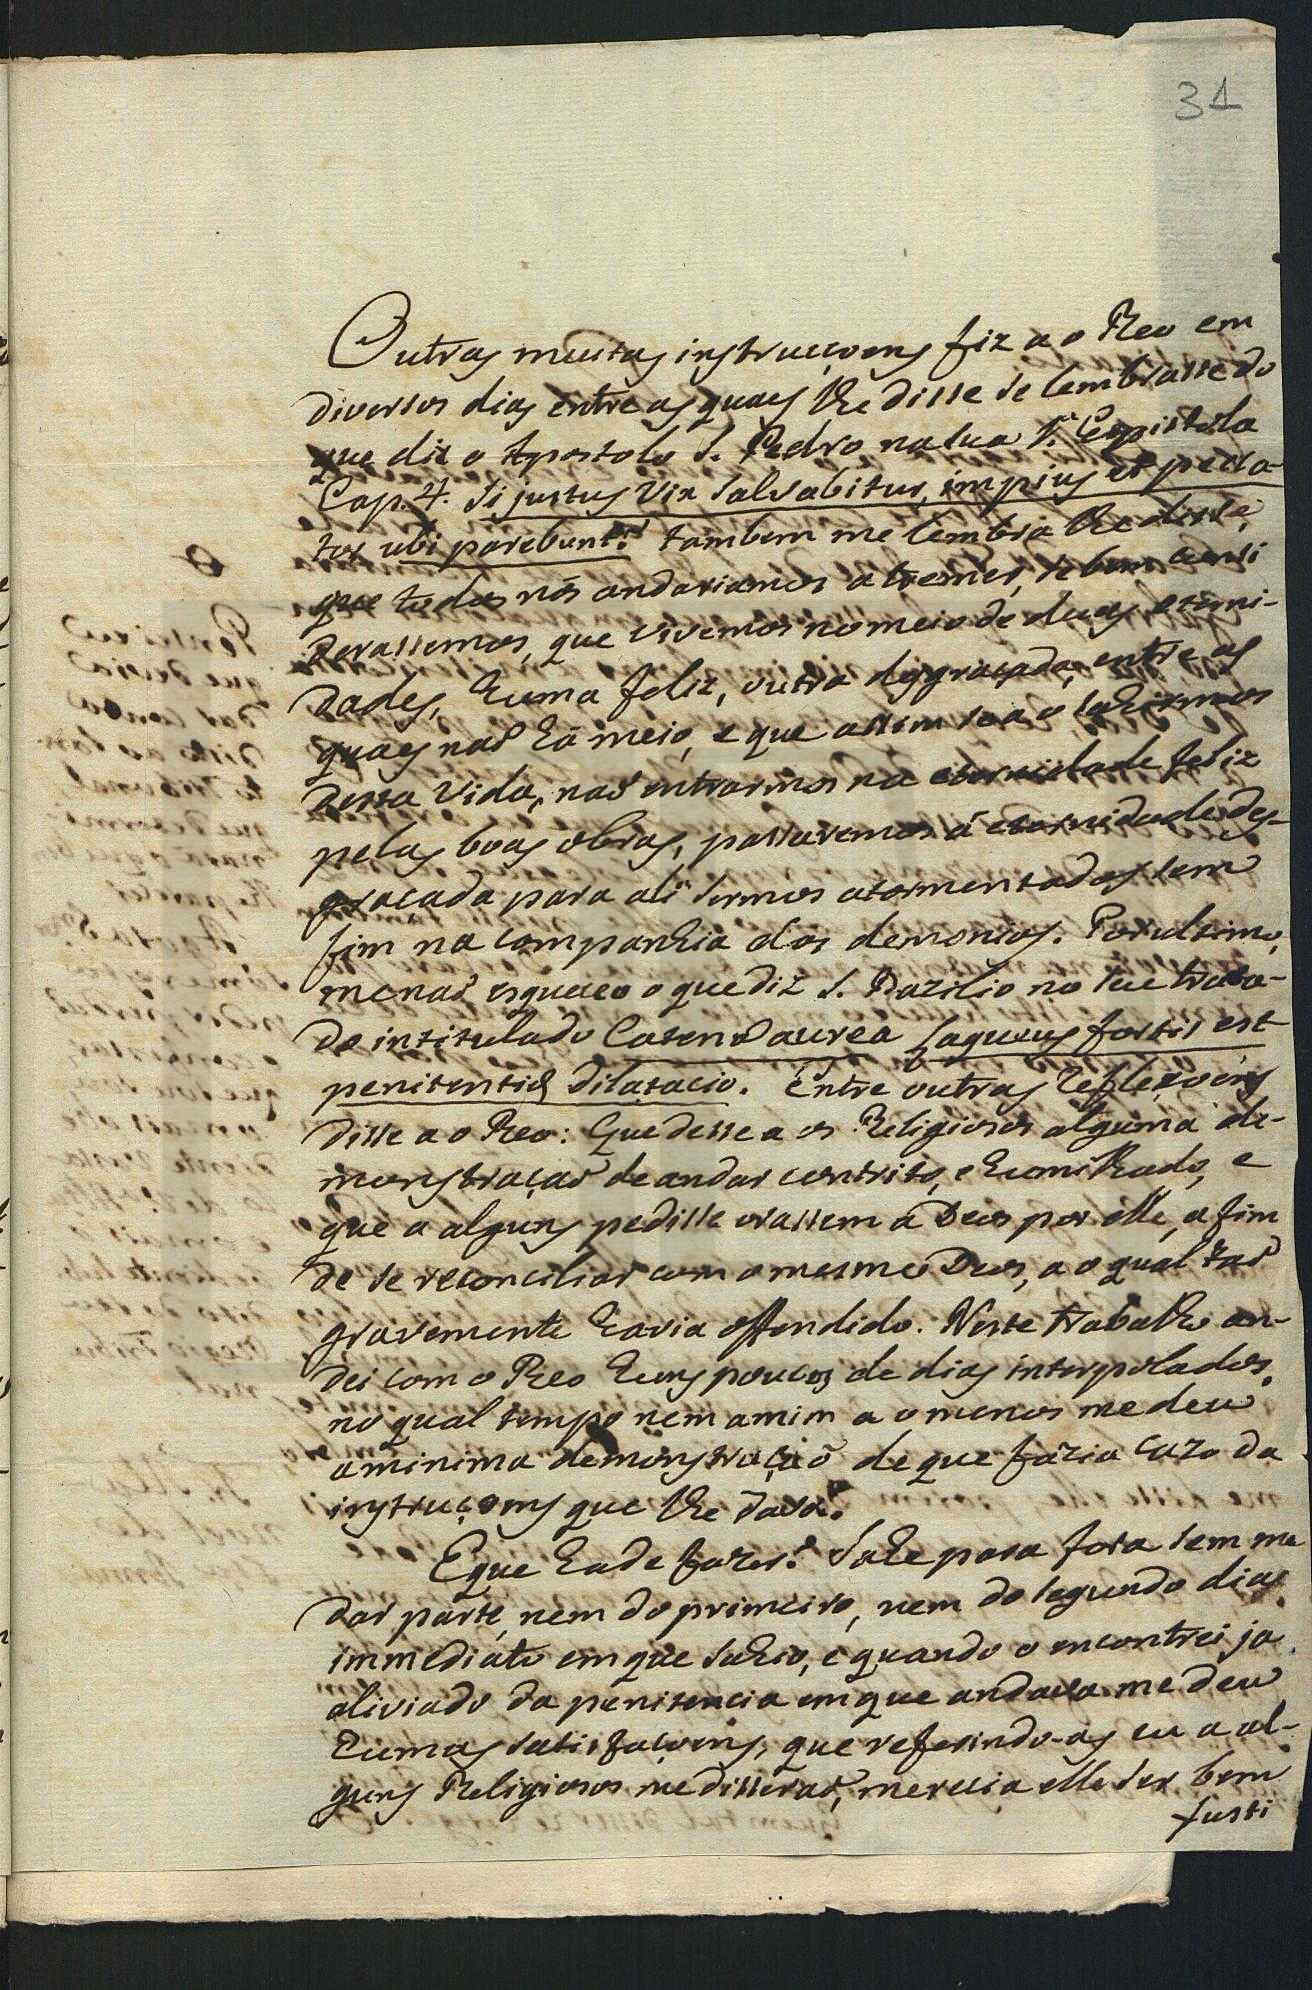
Outras muitas instrucçoens fiz ao Reo em
diversos dias entre as quaes lhe disse se lembrasse do
que diz o Apostolo S. Pedro na sua 1.a Epistola
Cap. 4. si justus vix salvabitur, impius et pecca
tor ubi parebunt. tambem me lembra lhe disse,
que todos nós andariamos a tremer, se bem consi
derassemos, que vivemos no meio de duas eterni
dades, huma feliz, outra desgraçada, entre as
quaes naõ há meio, e que assim se ao sahirmos
desta vida, naõ entrarmos na eternidade feliz
pelas boas obras, passaremos á eternidade des
graçada para ali sermos atormentados sem
fim na companhia dos demonios. Por ultimo,
me naõ esqueceo o que diz S. Bazilio no seu trata
do intitulado Catena aurea Laqueus fortis est
penitentia dilatacio. entre outras Refleçoẽns
disse ao Reo: Que desse aos Religiosos alguma de
monstraçaõ de andar contrito, e humilhado, e
que a alguns pedisse orassem a Deos por elle, afim
de se reconciliar com o mesmo Deos, ao qual taõ
gravemente havia offendido. Neste trabalho an
dei com o Reo huns poucos de dias interpolados,
no qual tempo nem a mim ao menos me deu
a minima demonstraçaõ de que fazia cazo da
instruçoms que lhe dava.
E que ha de fazer. Sahe para fora sem me
dar parte, nem do primeiro, nem do segundo dias
immediato em que sahio, e quando o encontrei ja
aliviado da penitencia em que andava me deu
humas satisfaçoens, que referindo-as eu a al
guns Religiosos me disseraõ, merecia elle ser bem
fusti
